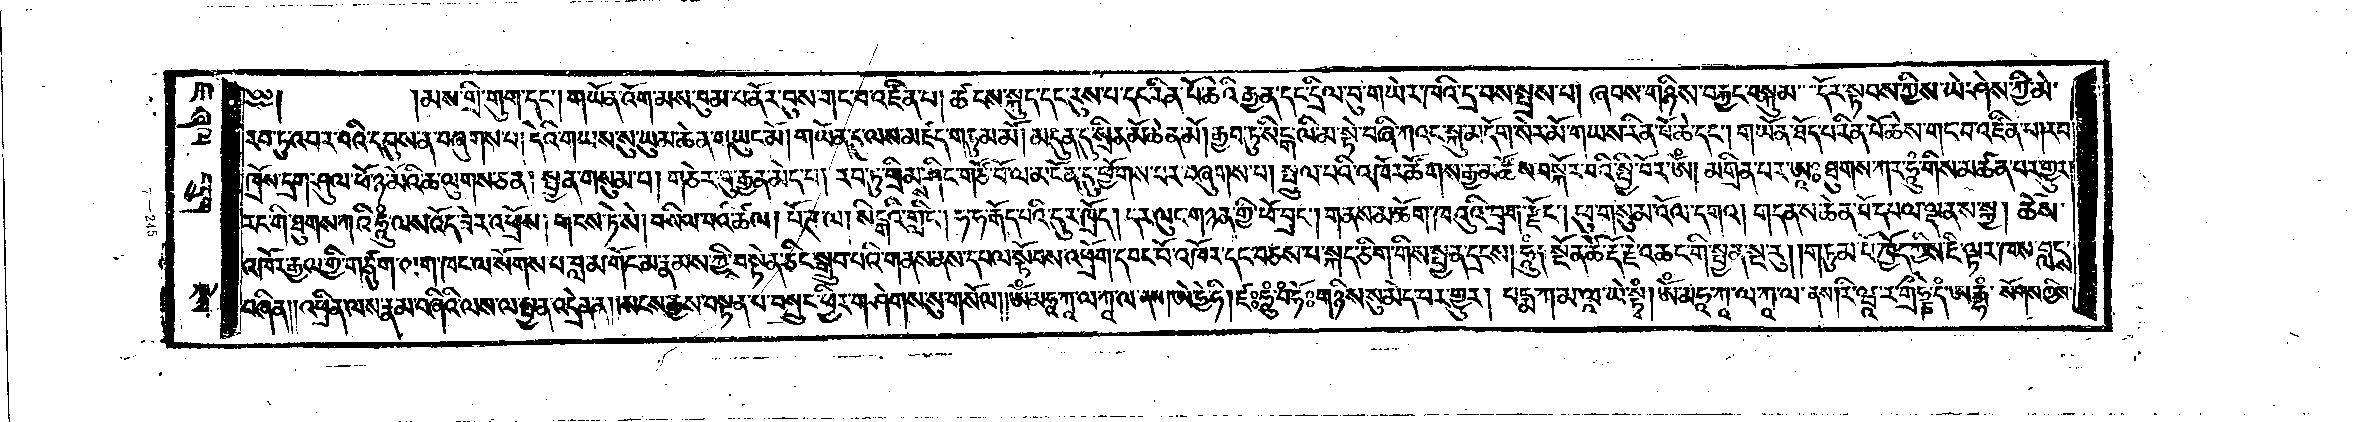༄༅། །མས་གྲི་འགུག་དང་། གཡོན་འོག་མས་བུམ་པ་ནོར་བུས་གང་པ་འཛིན་པ། ཏངས་སྐུད་དང་རུས་པ་དང་རིན་པོ་ཆེའི་རྒྱན་དང་དྲིལ་བུ་གཡེར་ཁའི་དྲ་བས་སྤྲས་བ། ཞབས་གཉིས་བརྐྱང་བསྐུམ་དོར་སྟབས་ཀྱིས་ཡེ་ཤེས་ཀྱི་མེ་
རབ་ཏུ་འབར་བའི་དབུས་ན་བཞུགས་པ། དེའི་གཡས་སུ་ཡུམ་ཆེན་གཡུང་མོ། གཡོན་དུ་ལས་མཛད་གཏུམ་མོ། །མདུན་དུ་སྟེན་མོ་ཆེན་མོ། རྒྱབ་ཏུ་སིངྒ་ལི་མ་སྟེ་བཞི་ཀ་འང་སྐུ་མདོག་སེར་མོ་གཡས་རིན་པོ་ཆེ་དང་། གཡོན་ཐོད་པ་རིན་པོ་ཆེས་གང་བ་འཛིན་རབ་
ཁྲོས་དྲ་ཤུ་ཕོ་ཉ་མོའི་ཆ་ལུགས་ཅན། སྤྱན་གསུམ་པ། གཅེར་བུ་རྒྱན་མེད་པ། རབ་ཏུ་གྲིམས་ཤིང་གཙོ་བོ་ལ་མངོན་དུ་ཕྱོགས་པར་བཞུགས། པ། སྦྲུལ་པའི་འཁྲོ་ཚོགས་རྒྱ་མཚོ་བསྐོར་བའི་སྤྱི་བོར་ཨོཾཿ ཐུགས་ཀར་ཧཱུཾ་གིས་མཚན་པར་གྱུར་
རང་གི་ཐུགས་ཀའི་ཧཱུཾ་ལས་འོད་ཟེར་འཕྲོས། གསང་ཏེ་སེ། བསིལ་བའི་ཚལ། པོ་ཊ་ལ། སིངྒེ་གླིང་། ཧ་ཧ་རྒོད་པའི་དུས་ཁྲོད། དར་ལུང་གཉན་གྱི་ཕོ་བྲང་། གནས་མཆོག་ཁའུའི་བྲག་རྫོང་། ཕུ་གསུམ་འོལ་དགའ། གདན་ས་ཆེན་པོ་དཔལ་ལྡན་ས་སྐྱ། ཆོས་
འཁོར་རྒྱལ་གྱི་གཙུག་ལག་ཁང་ལ་སོགས་པ་བླ་མ་གོང་མ་རྣམ་ཀྱིས་བསྟེན་ཅིང་སྒྲུབ་པའི་གནས་ནས་དཔལ་སྟོབས་འཕྲོག་དང་པོ་འཁྲོ་དང་བཅས་པ་སྐད་ཅིག་གིས་སྤྱན་དྲངས། ཧཱུཾ། སྤོན་ཆེ་རྡོ་རྗེ་འཆང་གི་སྤྱན། ཧཱུཾ་སྣོང་ཆེ་རྡོ་རྗེ་འཆང་གི་སྤྱན་སྔ་རུ། །གཏམ་པོ་ཁྱོད་ཀྱི་ཇི་ལྟར་ཁས་བླངས་
བཞིན། འཕྲིན་ལས་རྣམ་བཞིའི་ལས་ལ་སྤྱན་འདྲེན་ན། །སངས་རྒྱས་བསྟན་པ་བསྲུང་གཤེགས་སུ་གསོལ། །ཨོཾ་ཧཱ་ཀཱ་ལ་ཀཱ་ལ་དས། ཧེ་ཧྱེ་ཧི། ཛཿ ཧཱུཾ་བཾ་ཧོཿ གཉིས་སུ་མེད་པར་གྱུར། པདམ་ཀ་མ་ལ་ཡེ་སྟཾ། ཨོཾ་མྷཱ་ཀཱ་ལ་ཀཱ་ལའང་རེ། ཝཱ་ར་ཀྲ་དྷེ་དཾ་ཨ་རྒྷཾ་སོགས་ཀྱིས་